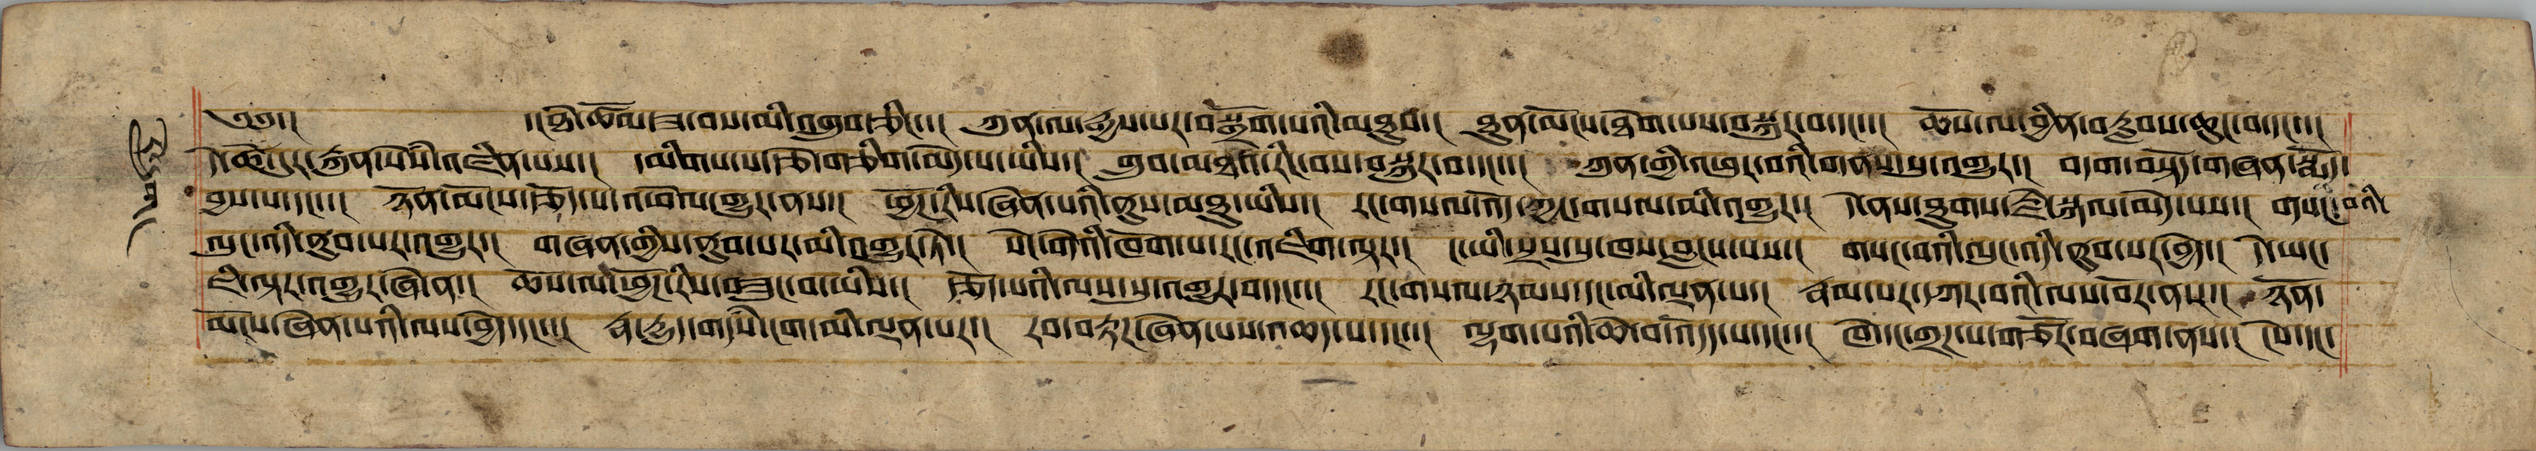༄༅་། ་།ཐེ་ཚོམ་ཟ་བས་མི་འགྲུབ་ཅིང་་། ཀུན་ལ་རྒྱས་པར་བསྒྲོག་པའི་མཐུས་། ཐུན་མོངས་ཐེག་པས་བསྐུར་བ་དང་་། ཆོས་ལ་བྱིན་བརླབས་ཆུང་བ་དང་་།
དེ་ཚེ་དུར་རྐུན་སེཾས་འཛིན་པས་། དམིགས་པ་རྩེ་གཅིག་མེད་པ་ཡིས་། གྲུབ་མཐའ་རིང་བས་བསྐུར་བ་དང་་། ཀུན་གྱི་འཕུར་བའི་གནས་སུ་འགྱུར་། བདག་བསྟོད་གཞན་སྨོད་
བྱས་པ་དང་་། ཉོན་མོངས་རྩོད་པ་འཕེལ་གྱུར་ནས་། ཕྱོཌ་རིས་ཞེན་པའི་ནུས་མཐུ་ཡིས་། རང་གསལ་འོད་ཀྱང་གསལ་མི་འགྱུར་། དེ་ནས་ཐུགས་རྗེ་སྐལ་མེད་པས་། གསང་བའི་
ལུང་འདི་ནུབ་པར་འགྱུར་། གཞན་གྱིས་ནུབ་པོར་མི་འགྱུར་ཏེ་། སེང་གེའི་ཁོག་པ་རང་འཇིག་ལྟར་། ང་ཡི་སྲས་སུ་ཁས་བླངས་པས་། གསང་བའི་ལུང་འདི་ནུབ་པར་བྱེད་། དེ་ཡང་
ཇི་ལྟར་འགྱུར་ཞེ་ན་། ཆོས་ལ་ཕྱོཌ་རིས་བཟུང་བ་ཡིས་། རྩོད་པའི་ལས་སུ་འགྱུར་བ་དང་་། རང་གིས་ཉམས་དང་མི་ལྡན་པ་། རྣམ་པར་དཀར་བའི་ལས་བོར་ནས་། ཉོན་
མོངས་ཞེན་པའི་ལས་བྱེད་དང་་། རྣ་དྱུད་གདཾས་ངག་མི་ལྡན་པར་། རབ་བརྟཌ་ཞེན་པས་འཆད་པ་དང་། ལྷག་པའི་ཆེ་བ་འདོད་པ་དང་་། ཁེ་དང་གྲཌ་པ་གཙོར་བཞག་ནས་། ངེས་དང་